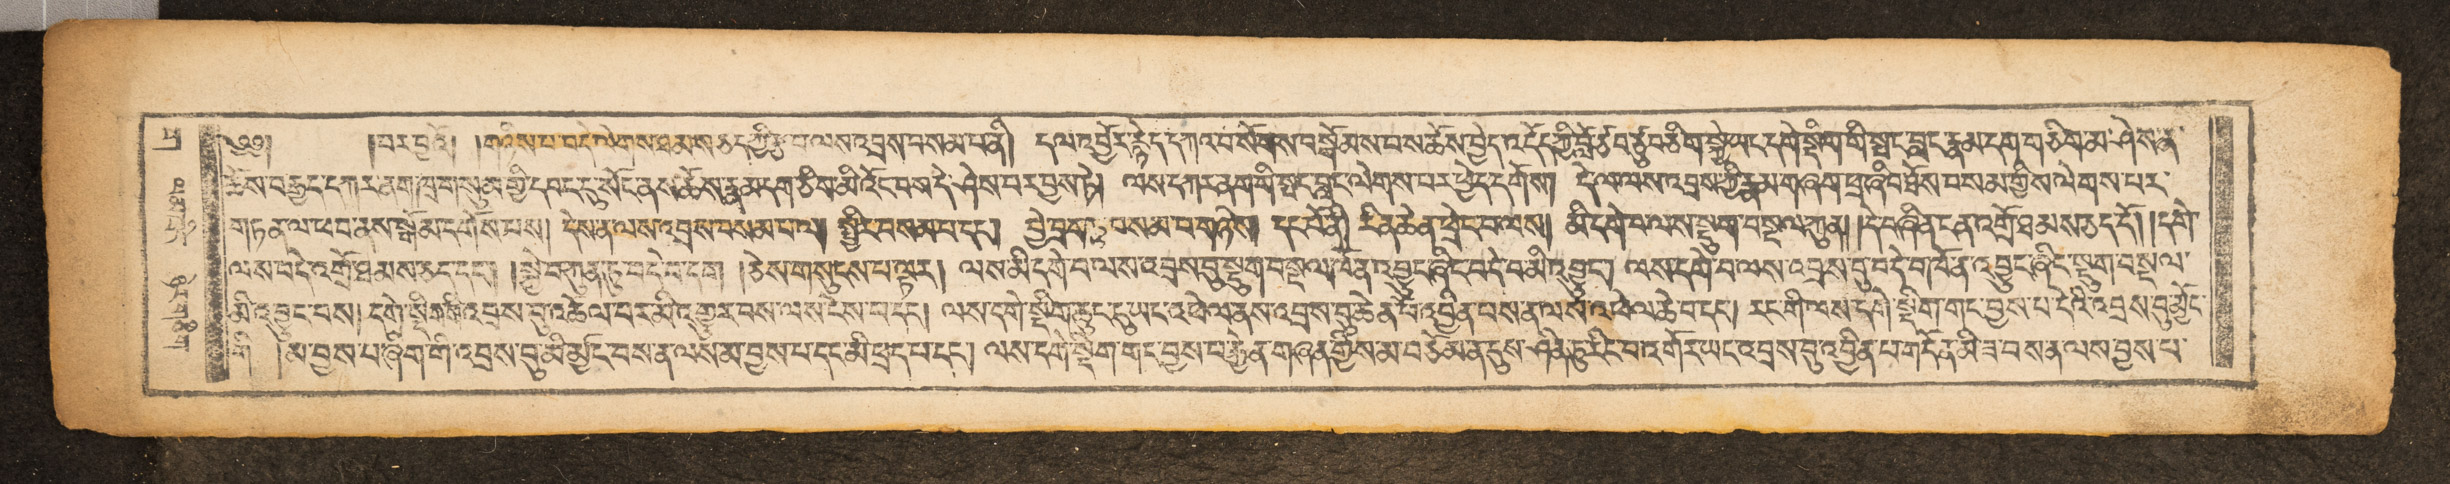༄༅། །པར་བྱའོ། །གཉིས་པ་བདེ་ལེགས་ཐམས་ཅད་ཀྱི་རྩ་བ་ལས་འབྲས་བསམ་པ་ནི། དལ་འབྱོར་རྙེད་དཀའ་བ་སོགས་བསྒོམས་པས་ཆོས་བྱེད་འདོད་ཀྱི་བློ་ཙབ་ཙུབ་ཅིག་སྐྱེ་ཡང་དགེ་སྡིག་གི་སྤང་བླང་རྣམ་དག་གཅག་མ་ཤེས་ན་
ཆོས་བརྒྱད་དཀར་ནག་ཁྲ་གསུམ་གྱི་དབང་དུ་སོང་ནས་ཆོས་རྣམ་དག་ཅིག་མི་འོང་བས་དེ་ཤེས་པར་བྱས་ཏེ། ལས་དཀར་ནག་གི་སྤང་བླང་ལེགས་པར་ཕྱེད་དགོས། དེ་ལ་ལས་འབྲས་ཀྱི་རྣམ་གཞག་ཕྲ་ཞིབ་ཐོས་བསམ་གྱིས་ལེགས་པར་
གཏན་ལ་ཕབ་ནས་སྒོམ་དགོས་པས། དེས་ན་ལས་འབྲས་བསམ་པ་ལ། སྤྱིར་བསམ་པ་དང་། བྱེ་བྲག་ཏུ་བསམ་པ་གཉིས། དང་པོ་ནི། རིན་ཆེན་ཕྲེང་བ་ལས། མི་དགེ་བ་ལས་སྡུག་བསྔལ་ཀུན། །དེ་བཞིན་ངན་འགྲོ་ཐམས་ཅད་དོ། །དགེ་
ལས་བདེ་འགྲོ་ཐམས་ཅད་དང་། །སྐྱེ་བ་ཀུན་ཏུ་བདེ་བ་དག། །ཅེས་གསུངས་པ་ལྟར། ལས་མི་དགེ་བ་ལས་འབྲས་བུ་སྡུག་བསྔལ་ཁོ་ན་འབྱུང་ཞིང་བདེ་བ་མི་འབྱུང་། ལས་དགེ་བ་ལས་འབྲས་བུ་བདེ་བ་ཁོ་ན་འབྱུང་ཞིང་སྡུག་བསྔལ་
མི་འབྱུང་བས། དགེ་སྡིག་གི་འབྲས་བུ་འཚོལ་པར་མི་འགྱུར་བས་ལས་ངེས་པ་དང་། ལས་དགེ་སྡིག་ཆུང་དུ་ཡང་འཕེལ་ནས་འབྲས་བུ་ཆེན་པོ་འབྱིན་པས་ན་ལས་འཕེལ་ཆེ་བ་དང་། རང་གི་ལས་དགེ་སྡིག་གང་བྱས་པ་དེའི་འབྲས་བུ་མྱོང་
གི །མ་བྱས་པ་ཞིག་གི་འབྲས་བུ་མི་མྱོང་བས་ན་ལས་མ་བྱས་པ་དང་མི་ཕྲད་པ་དང་། ལས་དགེ་སྡིག་གང་བྱས་པ་རྐྱེན་གཞན་གྱིས་མ་བཅོམ་ན་དུས་ཤིན་ཏུ་རིང་བ་འགོར་ཡང་འབྲས་བུ་འབྱིན་པ་གདོན་མི་ཟ་བས་ན་ལས་བྱས་པ་